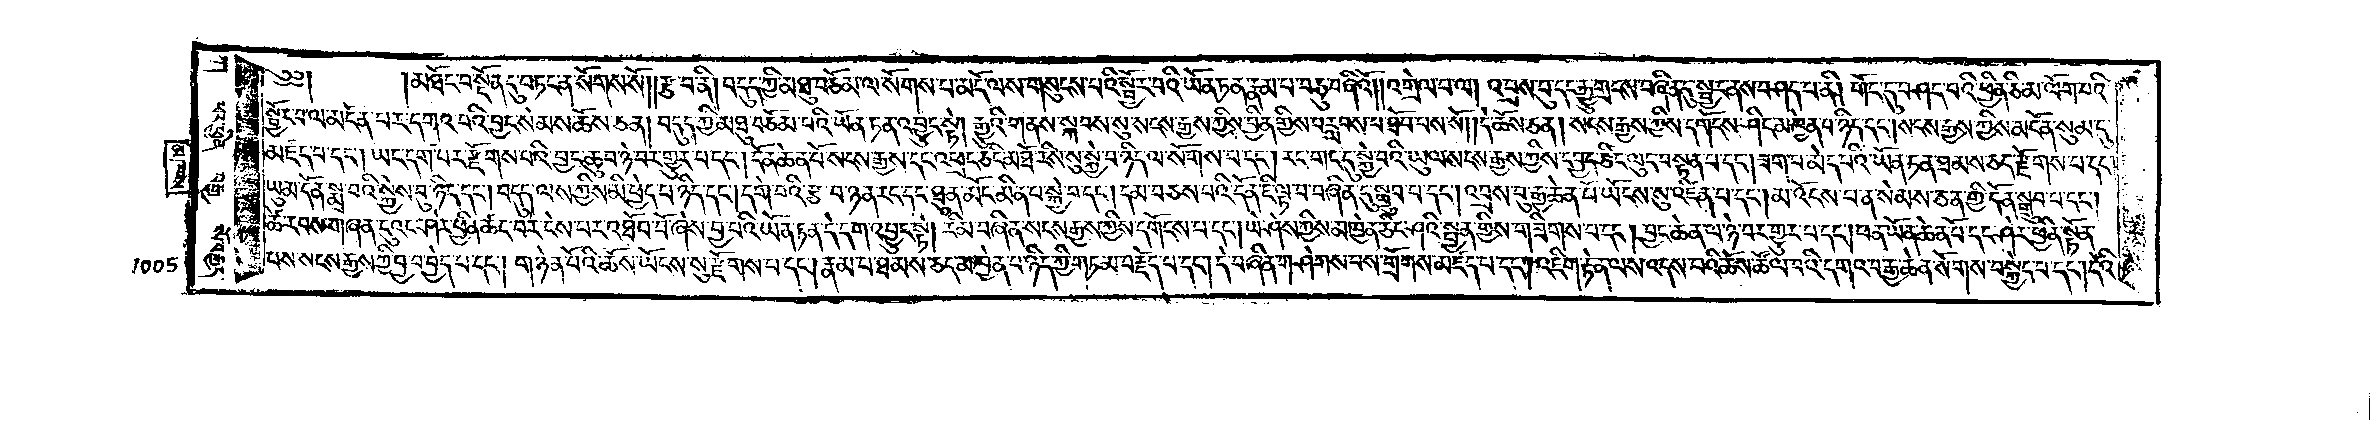༄༅། །མཐོང་བ་སྔོན་དུ་བཏང་ན་སོགས་སོ། །རྩ་བ་ནི། བདུད་ཀྱི་མཐུ་བཅོམ་ལ་སོགས་པ་མདོ་ལས་གསུངས་པའི་སྦྱོར་བའི་ཡོན་ཏན་རྣམ་པ་བཅུ་བཞིའོ། །འགྲེལ་བ་ལ། འབྲས་བུ་དང་རྒྱུ་གྲངས་བཞིན་དུ་སྦྱར་ནས་བཤད་པ་ནི། གོང་དུ་བཤད་པའི་ཕྱིར་ཅི་མ་ལོག་པའི་
སྦྱོར་བ་ལ་མངོན་པར་དགའ་བའི་བྱང་སེམས་ཆོས་ཅན། བདུད་ཀྱི་མཐུ་བཅོམ་པའི་ཡོན་ཏན་འབྱུང་སྟེ། རྒྱུའི་གནས་སྐབས་སུ་སངས་རྒྱས་ཀྱིས་བྱིན་གྱིས་བརླབས་པ་ཐོབ་པས་སོ། །དེ་ཆོས་ཅན། སངས་རྒྱས་ཀྱིས་དགོངས་ཤིང་མཁྱེན་པ་ཉིད་དང་། སངས་རྒྱས་ཀྱིས་མངོན་སུམ་དུ་
མཛད་པ་དང་། ཡང་དག་པར་རྫོགས་པའི་བྱང་ཆུབ་ཉེ་བར་གྱུར་བ་དང་། དོན་ཆེན་པོ་སངས་རྒྱས་དང་འཕྲད་ཅིང་མཐོ་རིས་སུ་སྐྱེ་བ་ཉིད་ལ་སོགས་པ་དང་། རང་གང་དུ་སྐྱེ་བའི་ཡུལ་སངས་རྒྱས་ཀྱིས་དཔྱད་ཅིང་ལུང་བསྟན་པ་དང་། ཟག་པ་མེད་པའི་ཡོན་ཏན་ཐམས་ཅད་རྫོགས་པ་དང་།
ཡུམ་དོན་སྨྲ་བའི་སྐྱེས་བུ་ཉིད་དང་། བདུད་ལས་ཀྱིས་མི་ཕྱེད་པ་ཉིད་དང་། དགེ་བའི་རྩ་བ་ཉན་རང་དང་ཐུན་མོང་མིན་པ་སྐྱེ་བ་དང་། དམ་བཅས་པའི་དོན་ཇི་ལྟ་བ་བཞིན་དུ་སྒྲུབ་པ་དང་། འབྲས་བུ་རྒྱ་ཆེན་པོ་ཡོངས་སུ་འཛིན་པ་དང་། མ་འོངས་པ་ན་སེམས་ཅན་གྱི་དོན་སྒྲུབ་པ་དང་།
ཚེ་རབས་གཞན་དུའང་ཤེར་ཕྱིན་ཚང་བར་ངེས་པར་འཐོབ་བོ་ཞེས་བྱ་བའི་ཡོན་ཏན་དེ་དག་འབྱུང་སྟེ། རིམ་བཞིན་སངས་རྒྱས་ཀྱིས་དགོངས་པ་དང་། ཡེ་ཤེས་ཀྱིས་མཁྱེན་ཅིང་ཤའི་སྤྱན་གྱིས་གཟིགས་པ་དང་། བྱང་ཆེན་ལ་ཉེ་བར་གྱུར་བ་དང་། ཕན་ཡོན་ཆེན་པོ་དང་ཤེར་ཕྱིན་སྟོན་
པས་སངས་རྒྱས་ཀྱི་བྱ་བ་བྱེད་པ་དང་། གཉེན་པོའི་ཆོས་ཡོངས་སུ་རྫོགས་པ་དང་། རྣམ་པ་ཐམས་ཅད་མཁྱེན་པ་ཉིད་ཀྱི་གཏམ་བརྗོད་པ་དང་། དེ་བཞིན་གཤེགས་པས་གྲོགས་མཛད་པ་དང་། འཇིག་རྟེན་ལས་འདས་པའི་ཆོས་ཚོལ་བའི་དགའ་བ་རྒྱ་ཆེན་སོགས་བསྐྱེད་པ་དང་། དེའི་